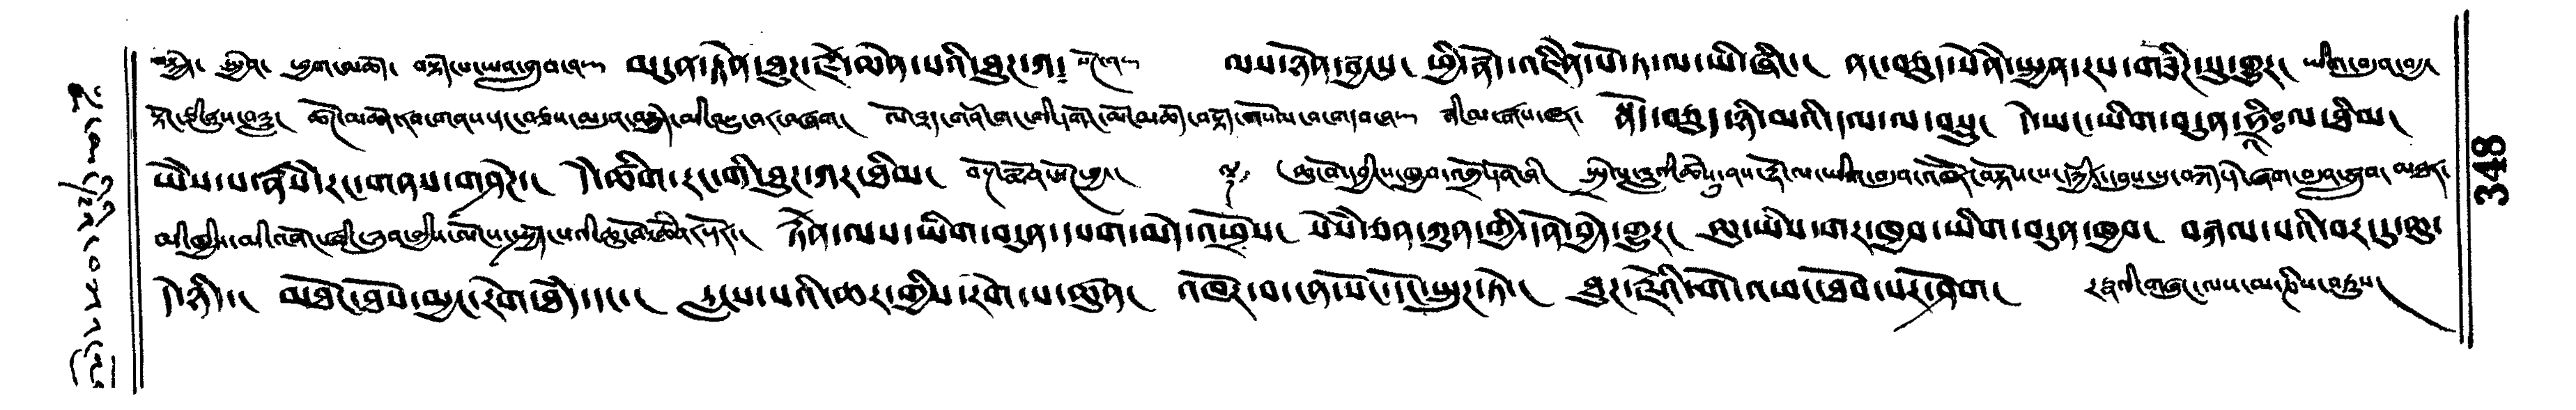བསྐྱེད། སྤྱན་འདྲེན། ཕྱག་མཆོད། བསྟོད་པ་ཡན་གྲུབ་ནས། མདུན་རྟེན་ཐུགས་རྗེ་ཆེན་པོའི་ཐུགས་ཀ༴ སོགས་ནས། ལས་ཉོན་སྦྱངས། །ཕྱི་སྣོད་འཇིག་རྟེན་པོ་ཏ་ལ་ཡི་ཞིང་། །ནང་བཅུད་སེམས་ཅན་སྤྱན་རས་གཟིགས་སུ་གྱུར། ཡིག་བདུན་བརྒྱ་
སྟོང་ཅི་ནུས་བཟླ། ཚོགས་མཆོད་རབ་གནས་དང་བཅས་མདུན་བསྐྱེད་མི་བསྡུ་བར་བཞག ལོ་ཟད་གནམ་གང་གི་དགོང་མོ་མཆོད་བསྟོད་གསོལ་བ་བཏབ་ནས། ཉི་མ་རྒས་ཁར། སྣོད་བཅུད་ཉི་མའི་དལ་ལ་འདུས། །དེ་ཡང་ཡིག་བདུན་ཧྲཱིཿལ་ཐིམ། །
ཡེ་ཤེས་པ་རྣམས་རང་གནས་གཤེགས། །དམ་ཚིག་རང་གི་ཐུགས་ཀར་ཐིམ། བསྔོ་སྨོན་སོགས་བྱའོ། ༈ ཆུ་བོ་དབྱིངས་ཁྱབ་འགྲོ་དོན་ནི། སྤྲེལ་ཟླའི་ཚེས་གཅིག་ནས་རྡོ་ལ་ཡིག་བདུན་འཁོར་ལོ་བསྐོས་པ་དཀྱིལ་འཁོར་དབུས་སུ་བཀོད་དེ་ཞག་བདུན་བསྒྲུབས་མཐར་
མི་ཁྱིས་མི་འགོམ་ཞིང་ཀུནགྱིས་ལོངས་སྤྱོད་པའི་ཆུ་བོ་ཆེན་པོར་དོར། རྟེན་ལས་ཡིག་བདུན་དཔག་མེད་འཕྲོས། །སེམས་ཅན་ཀུན་གྱི་དོན་བྱེད་གྱུར། །ཆུ་ཡིས་གར་ཁྱབ་ཡིག་བདུན་ཁྱབ། །བསྐལ་པའི་བར་དུ་ཆུ་
དེ་ཉིད། །མཐོང་ཐོས་མྱང་རེག་ཐམས་ཅད་དང་། །རླངས་པའི་ཆར་གྱིས་རེག་པ་ཚུན། །འཁོར་བ་ངན་སོང་དོང་སྤྲུགས་ཏེ། །ཐུགས་རྗེའི་གོ་འཕང་ཐོབ་པར་ཤོག རཏྣའི་གཞུང་ལས་མ་ཎིས་བཏུས།